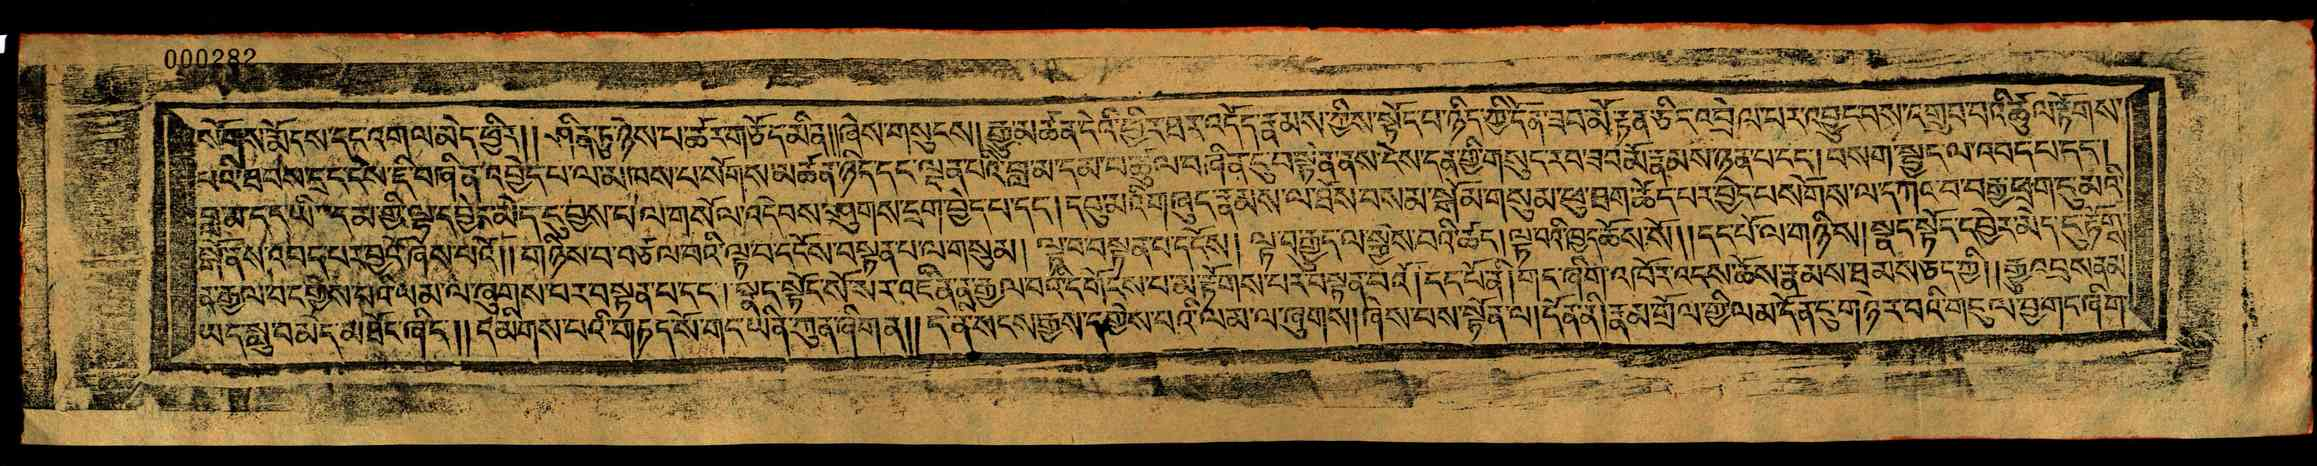སོགས་རྨོངས་དང་འགལ་མེད་ཕྱིར། །ཤིན་ཏུ་ཉེས་པ་ཚར་གཅོད་མིན། །ཞེས་གསུངས། རྒྱུ་མཚན་དེའི་ཕྱིར་ཐར་འདོད་རྣམས་ཀྱིས་སྟོང་པ་ཉིད་ཀྱི་དོན་ཟབ་མོ་རྟེན་ཅིང་འབྲེལ་པར་འབྱུང་བས་འགྲུབ་པའི་ཚུལ་རྟོགས་
པའི་ཐབས་དྲང་ངེས་ཇི་བཞིན་འབྱེད་པ་ལ་མཁས་པ་སོགས་མཚན་ཉིད་དང་ལྡན་པའི་བླ་མ་དམ་པ་ཚུལ་བཞིན་དུ་བསྟེན་ནས་ངེས་དོན་གྱི་གསུང་རབ་ཟབ་མོ་རྣམས་ཉན་པ་དང་། བསག་སྦྱང་ལ་འབད་པ་དང་།
བླ་མ་དང་ཡི་དམ་གྱི་ལྷ་དབྱེར་མེད་དུ་བྱས་པ་ལ་གསོལ་འདེབས་ཤུགས་དྲག་བྱེད་པ་དང་། དབུ་མའི་གཞུང་རྣམས་ལ་ཐོས་བསམ་སྒོམ་གསུམ་ཕུ་ཐག་ཆོད་བར་བྱེད་པ་སོགས་ལ་དཀའ་བ་བརྒྱ་ཕྲག་དུ་མའི་
སྒོ་ནས་འབད་པར་བྱའོ་ཞེས་པའོ། །གཉིས་པ་བཙལ་བའི་ལྟ་བ་དངོས་བསྟན་པ་ལ་གསུམ། ལྟ་བ་བསྟན་པ་དངོས། ལྟ་བརྒྱུད་ལ་སྐྱེས་པའི་ཚད། ལྟ་བའི་ཁྱད་ཆོས་སོ། །དང་པོ་ལ་གཉིས། སྣང་སྟོང་དབྱེར་མེད་དུ་རྟོག་
ན་རྒྱལ་བ་དགྱེས་པའི་ལམ་ལ་ཞུགས་པར་བསྟན་པ་དང་། སྣང་སྟོང་སོ་སོར་འཛིན་ན་རྒྱལ་བའི་དགོངས་པ་མ་རྟོགས་པར་བསྟན་པའོ། དང་པོ་ནི། གང་ཞིག་འཁོར་འདས་ཆོས་རྣམས་ཐམས་ཅད་ཀྱི། །རྒྱུ་འབྲས་ནམ་
ཡང་སླུ་བ་མེད་མཐོང་ཞིང་། །དམིགས་པའི་གཏང་སོ་གང་ཡིན་ཀུན་ཞིག་ན། །དེ་ནི་སངས་རྒྱས་དགྱེས་པའི་ལམ་ལ་ཞུགས། ཞེས་པས་སྟོན་ལ། དོན་ནི། རྣམ་གྲོལ་གྱི་ལམ་དོན་དུ་གཉོར་བའི་གདུལ་བྱ་གང་ཞིག་